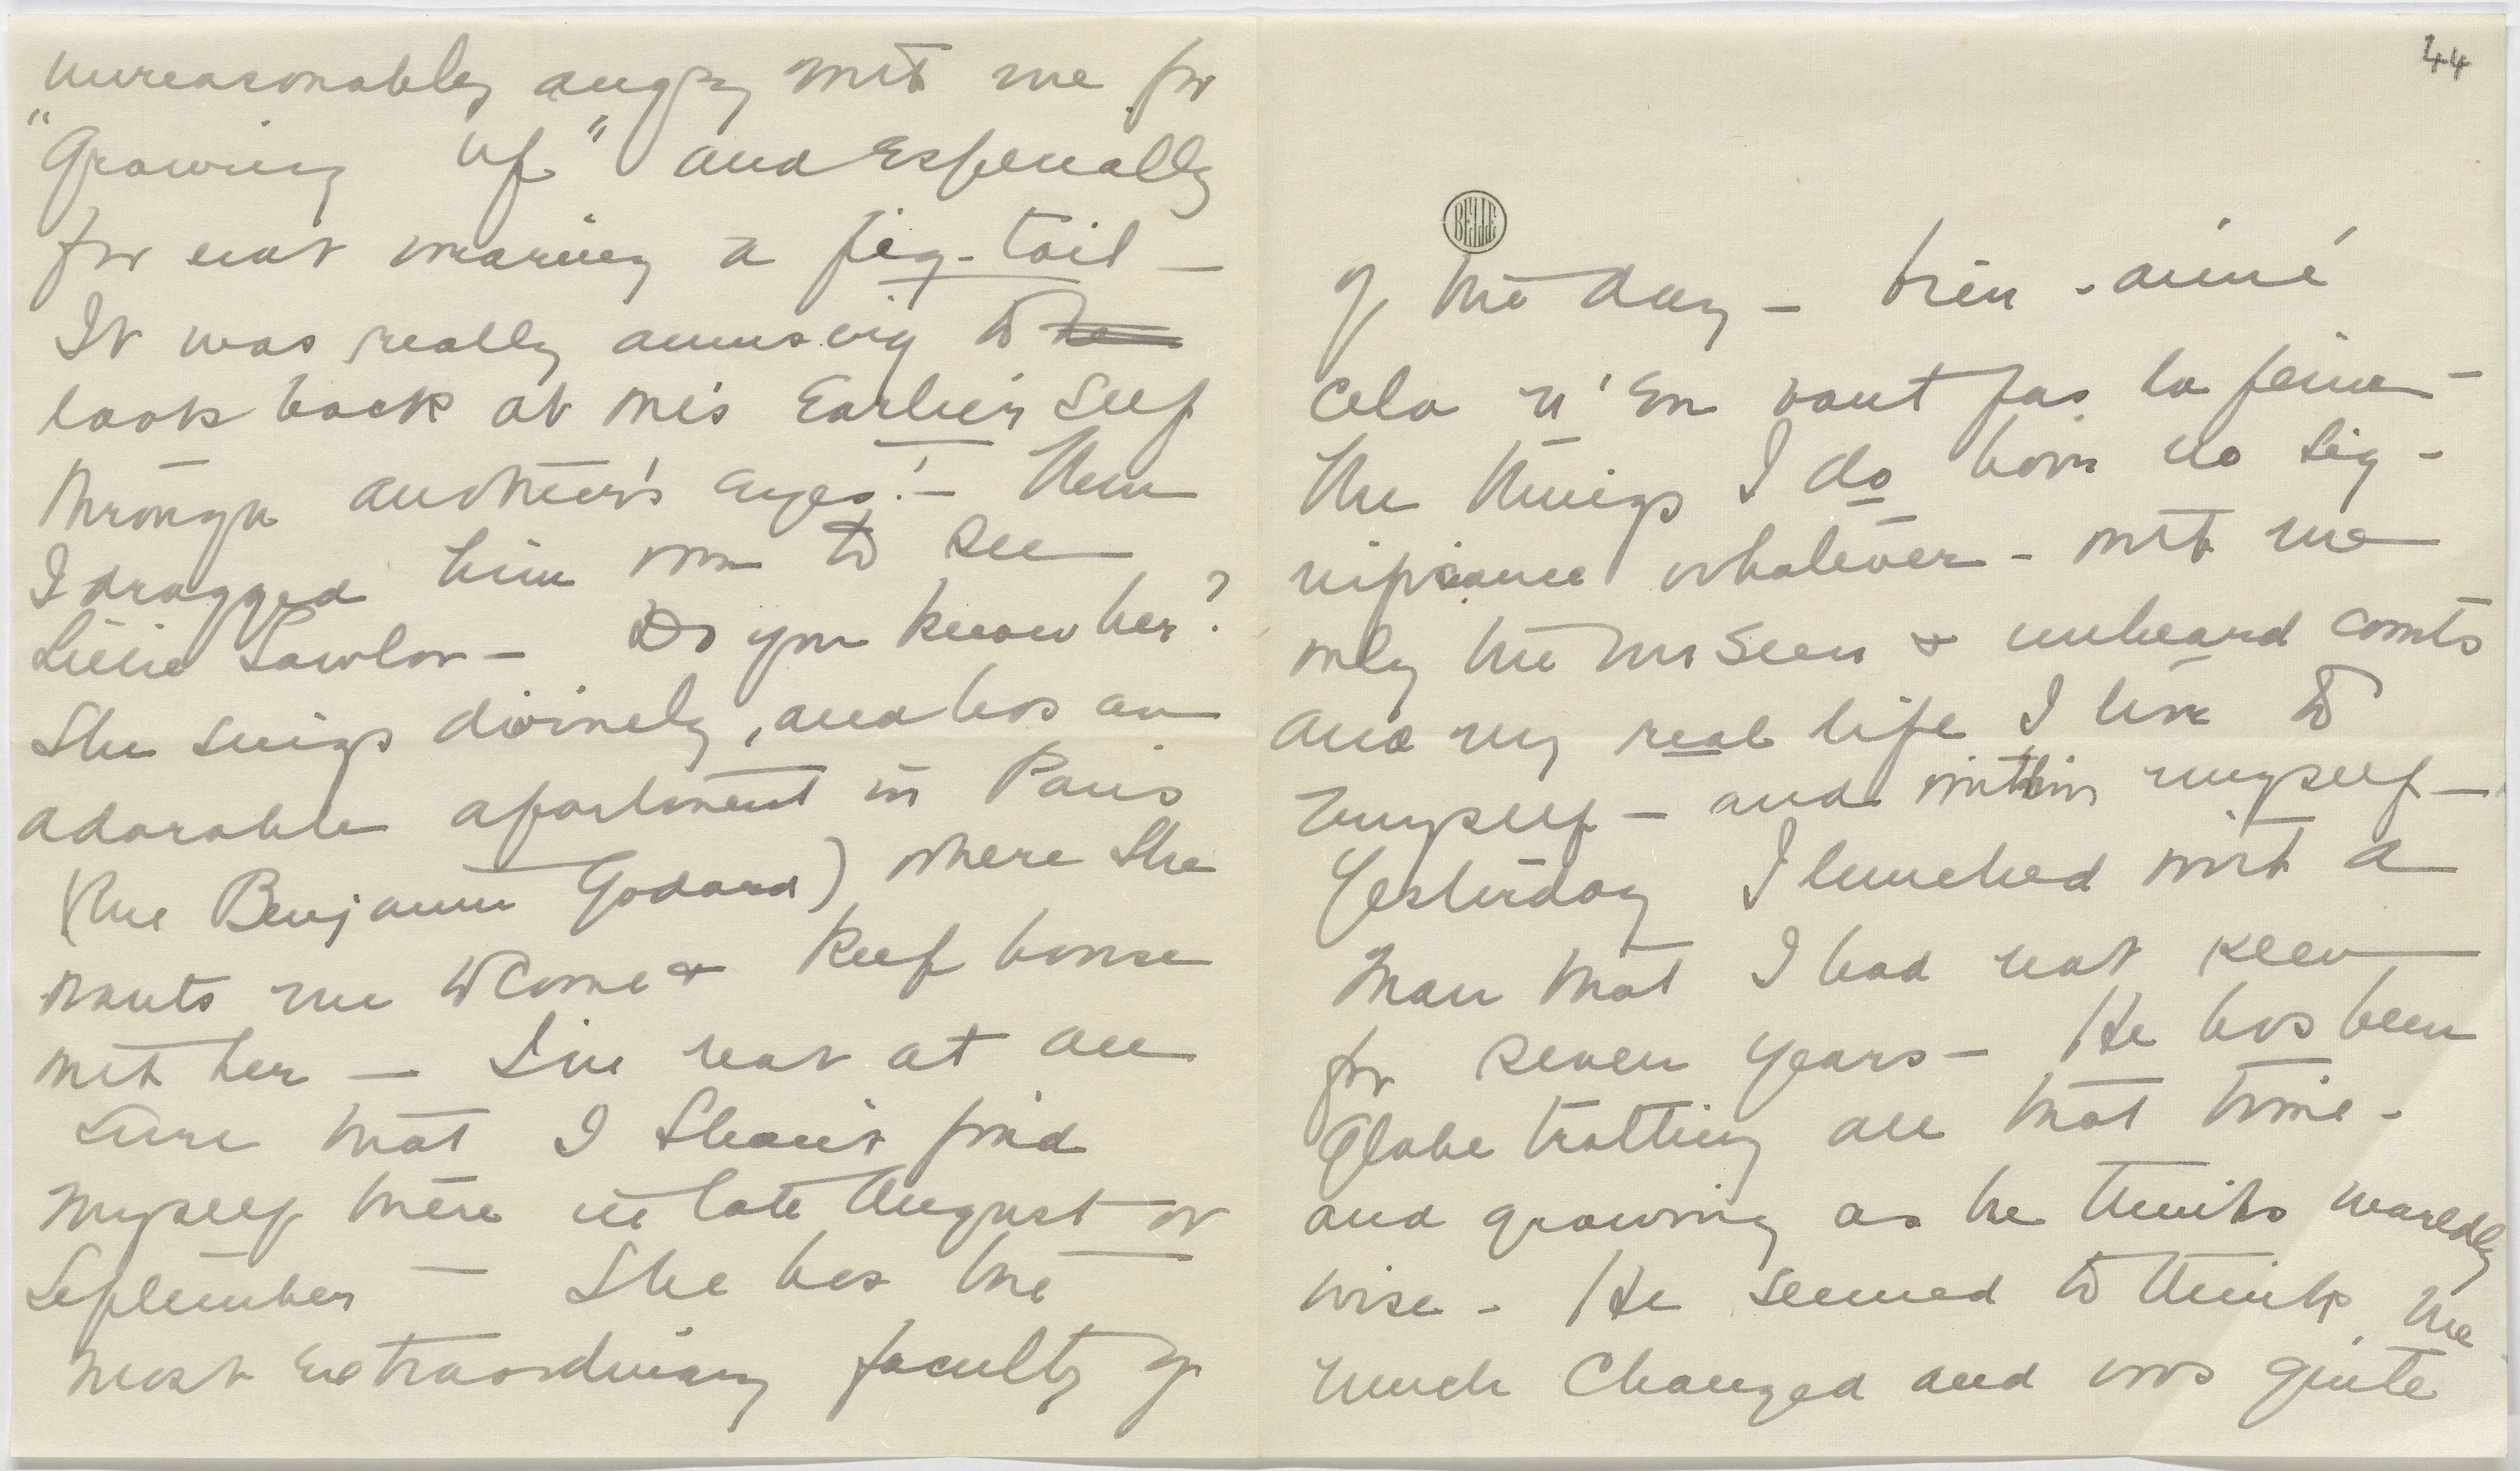of the day – bien-aimé cela n’en vaut pas la peine – the things I do have no significance whatever – with me only the unseen & unheard counts and my real life I live to myself – and within myself – Yesterday I lunched with a man that I had not seen for seven years – He has been globe trotting all that time – and growing as he thinks worldly wise – He seemed to think me much changed and was quite
unreasonably angry with me for “growing up” and especially for not wearing a pig-tail – It was really amusing to be look back at one’s earlier self through another’s eyes! – Then I dragged him over to see Lillie Lawler – Do you know her? She sings divinely, and has an adorable apartment in Paris (Rue Benjamin Godard) where she wants me to come & keep house with her – I’m not at all sure that I shan’t find myself there in late August or September – She has the most extraordinary faculty of